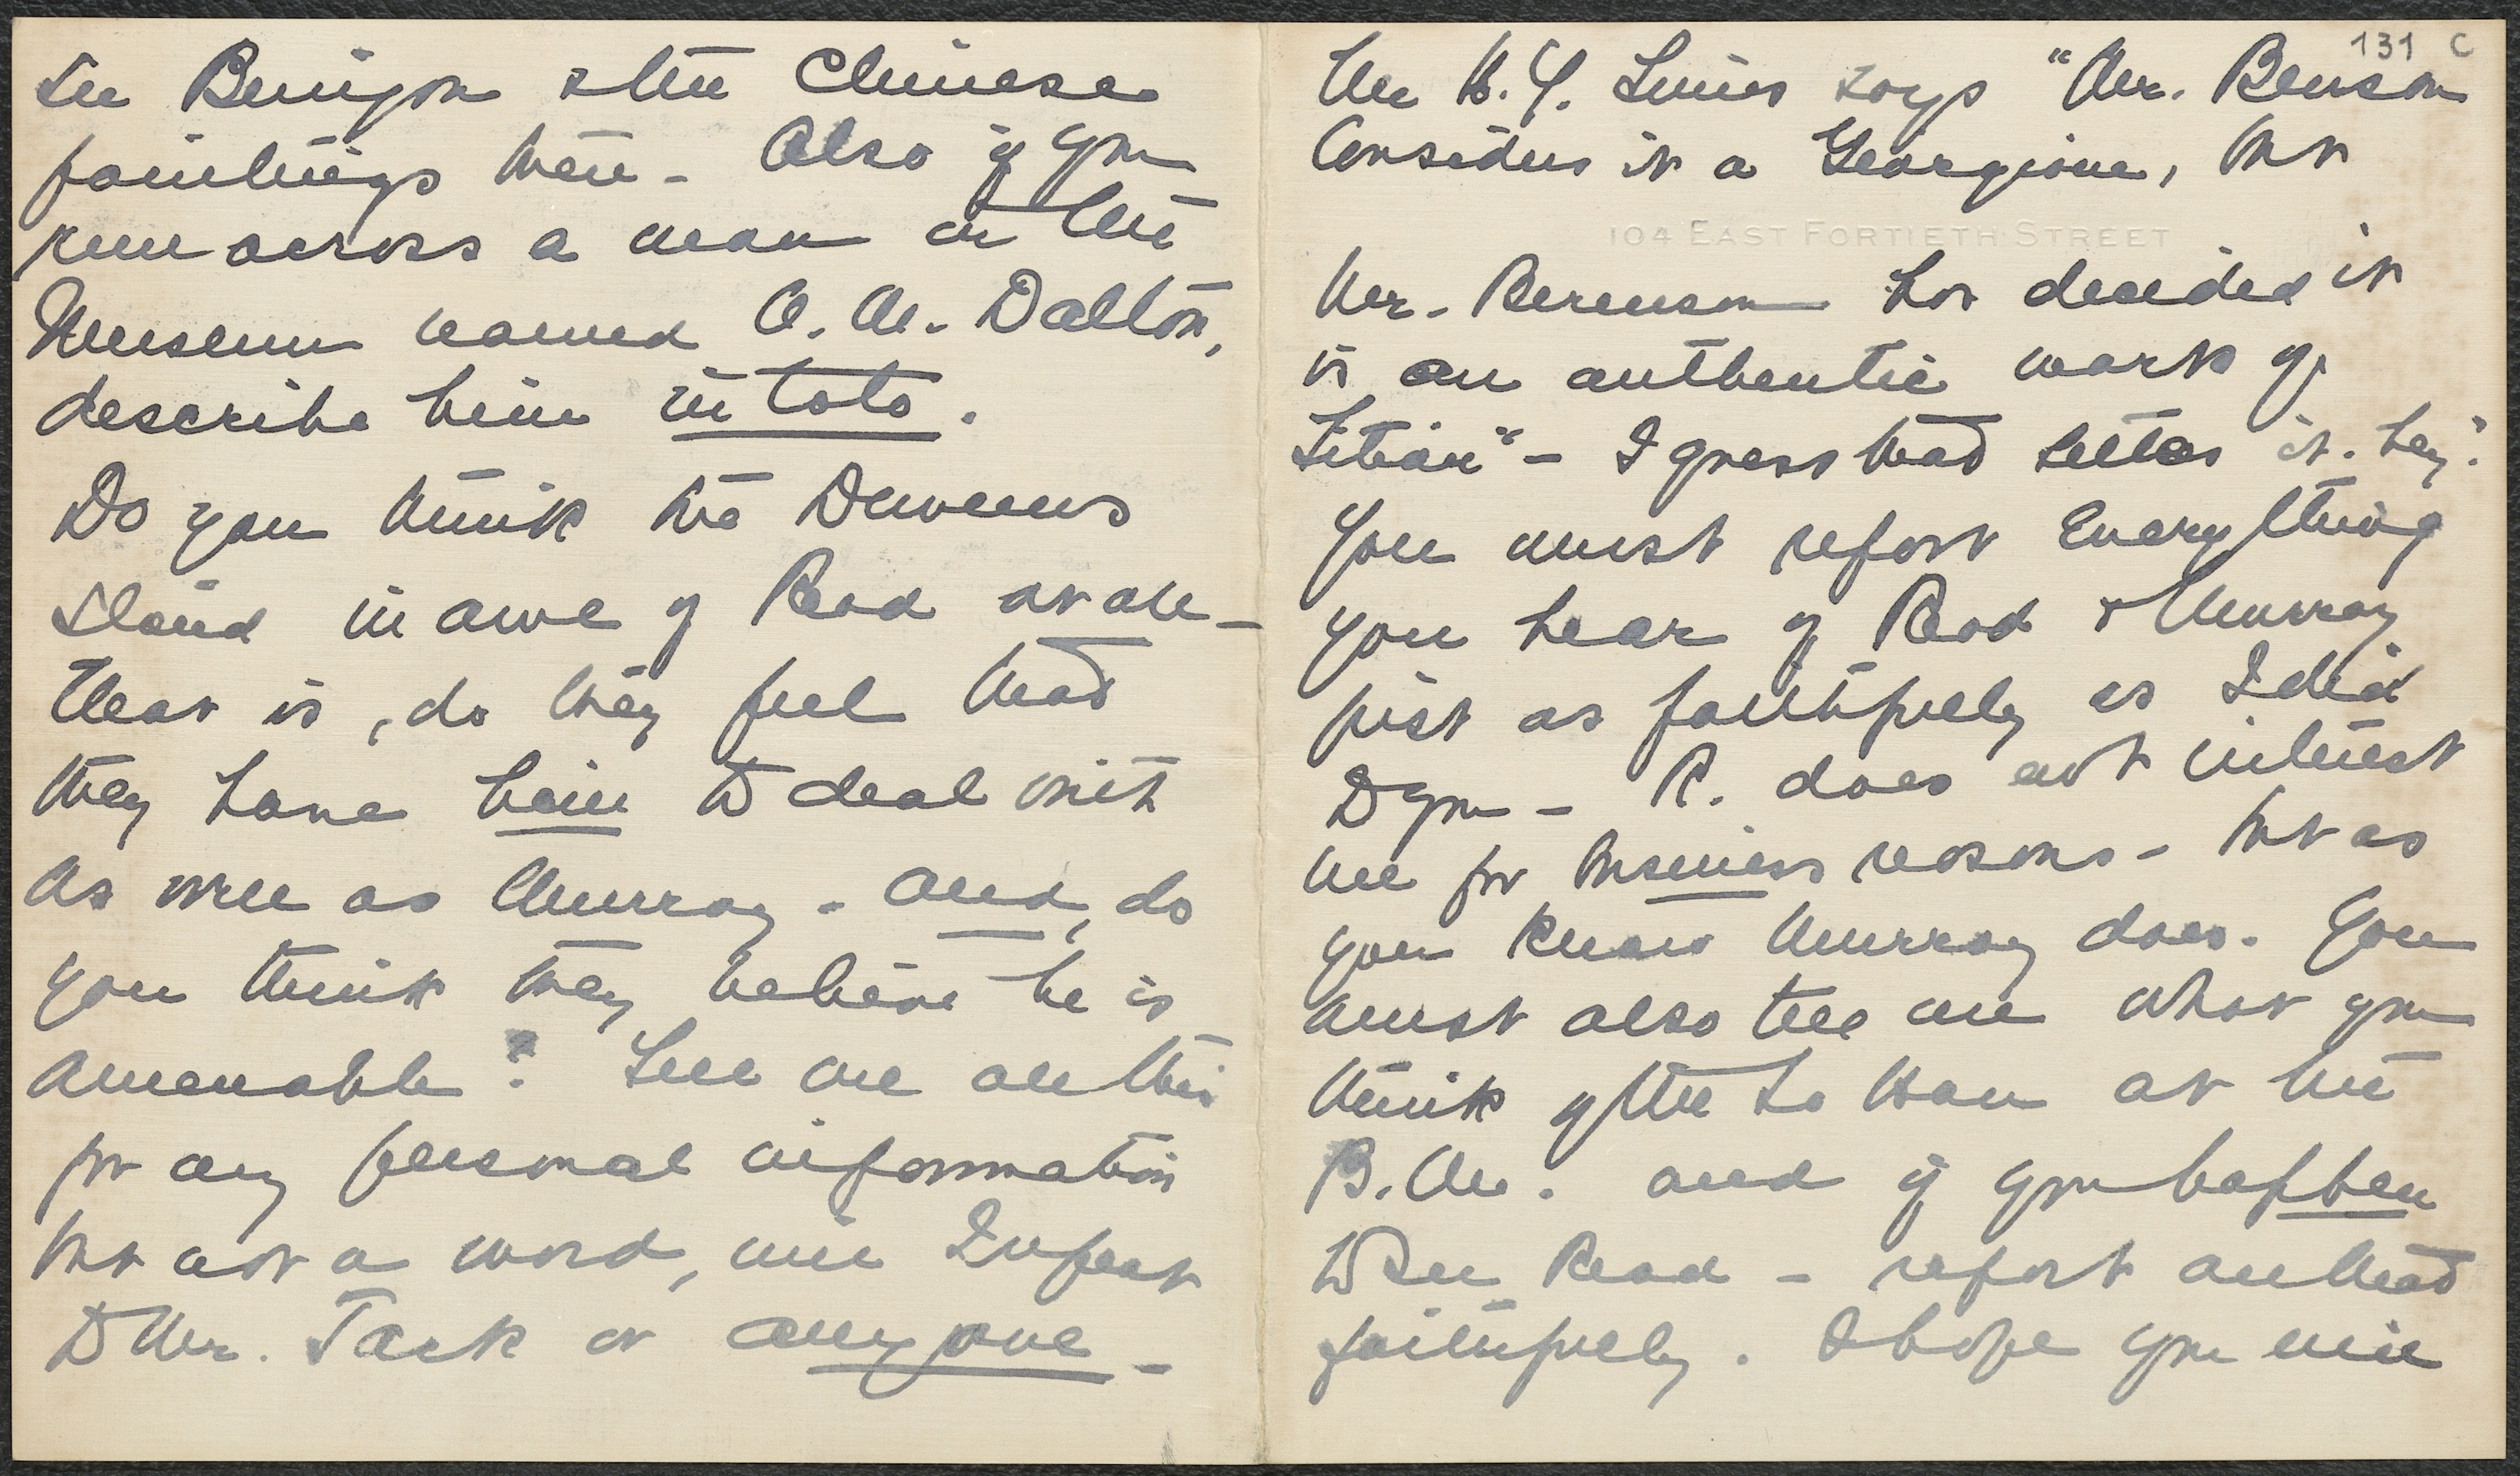The N. Y. Times says “Mr. Benson considers it a Giorgione, but Mr. Berenson has decided it is an authentic work of Titian” – I guess that settles it. hey? You must report everything you hear of Read & Murray just as faithfully as I did to you – R. does not interest me for business reasons – but as you know Murray does. You must also tell me what you think of the Lo Han at the B.M. and if you happen to see Read – report on that faithfully. I hope you will
see Binyon & the Chinese paintings there – also if you run across a man in the Museum named O. M. Dalton, describe him in toto.
Do you think the Duveens stand in awe of Read at all – that is, do they feel that they have him to deal with as well as Murray – and, do you think they believe he is amenable? Tell me all this for any personal information but not a word, will I repeat to Mr. Jack or anyone –